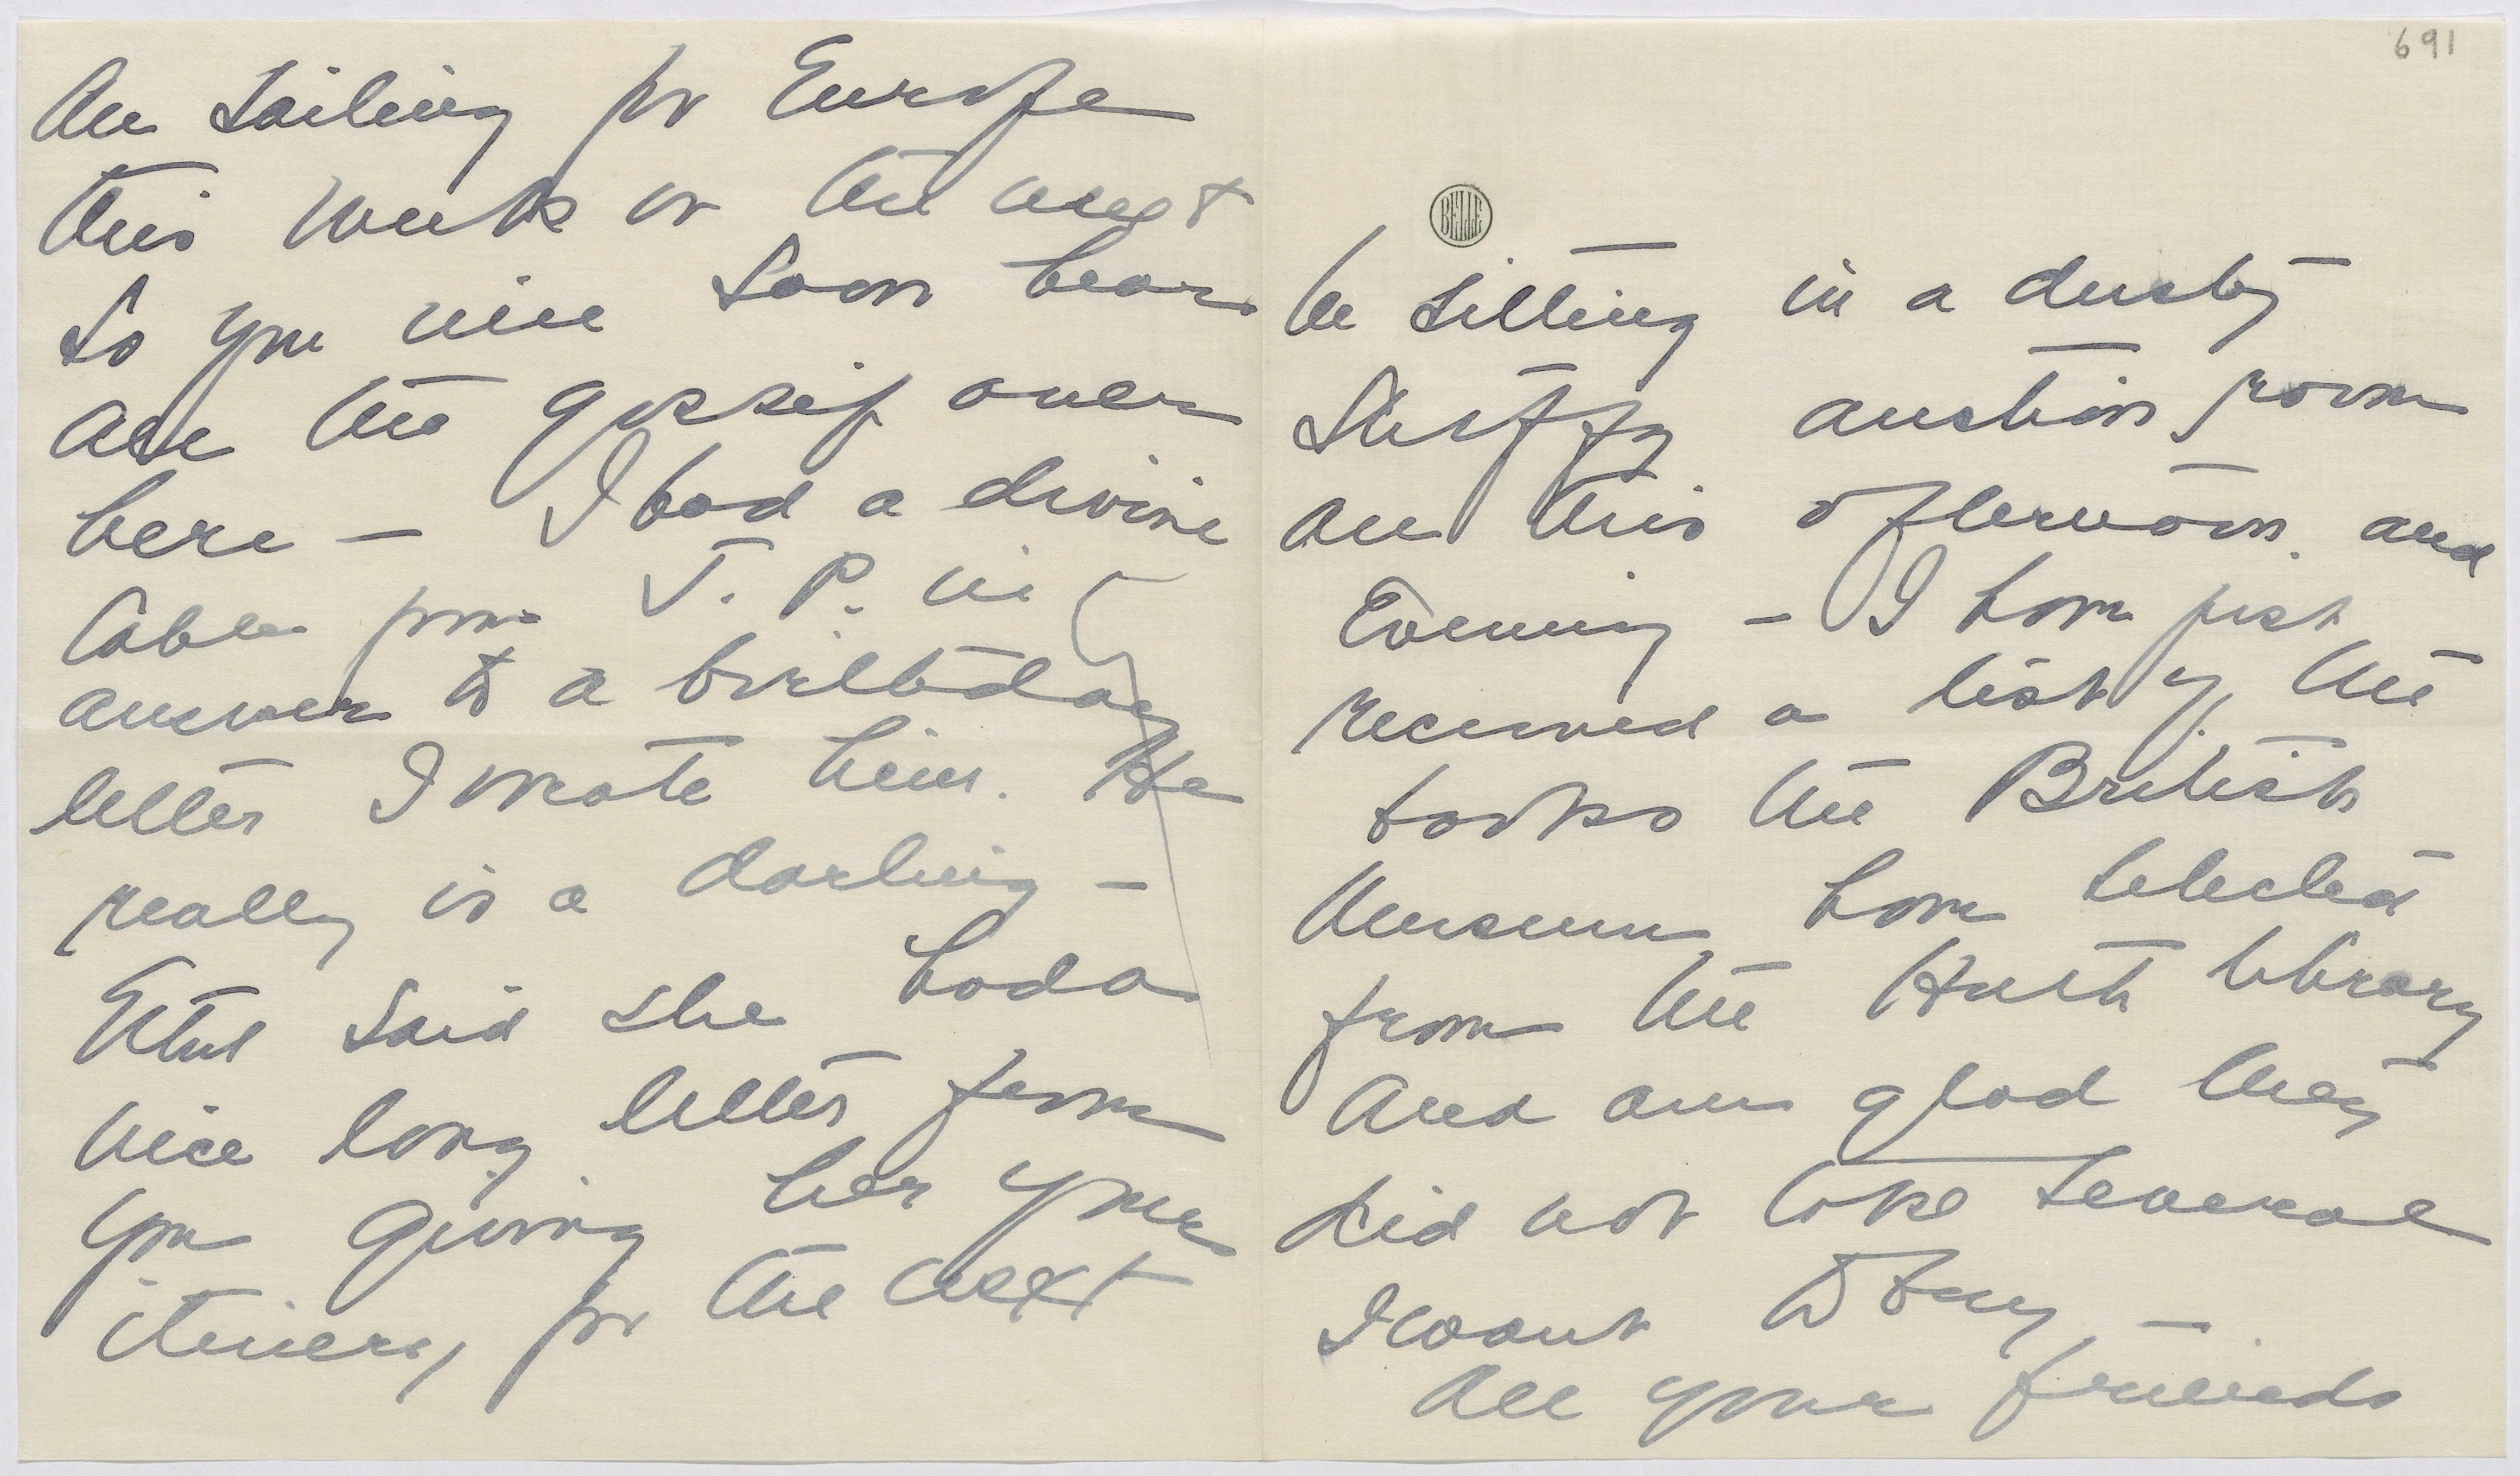be sitting in a dusty stuffy auction room all this afternoon and evening – I have just received a list of the books the British Museum have selected from the Huth library and am glad they did not take several I want to buy –
All your friends
are sailing for Europe this week or the next so you will soon hear all the gossip over here – I had a divine cable from J. P. in answer to a birthday letter I wrote him. He really is a darling –
Ethel said she had a nice long letter from you giving her your itinery [sic] for the next